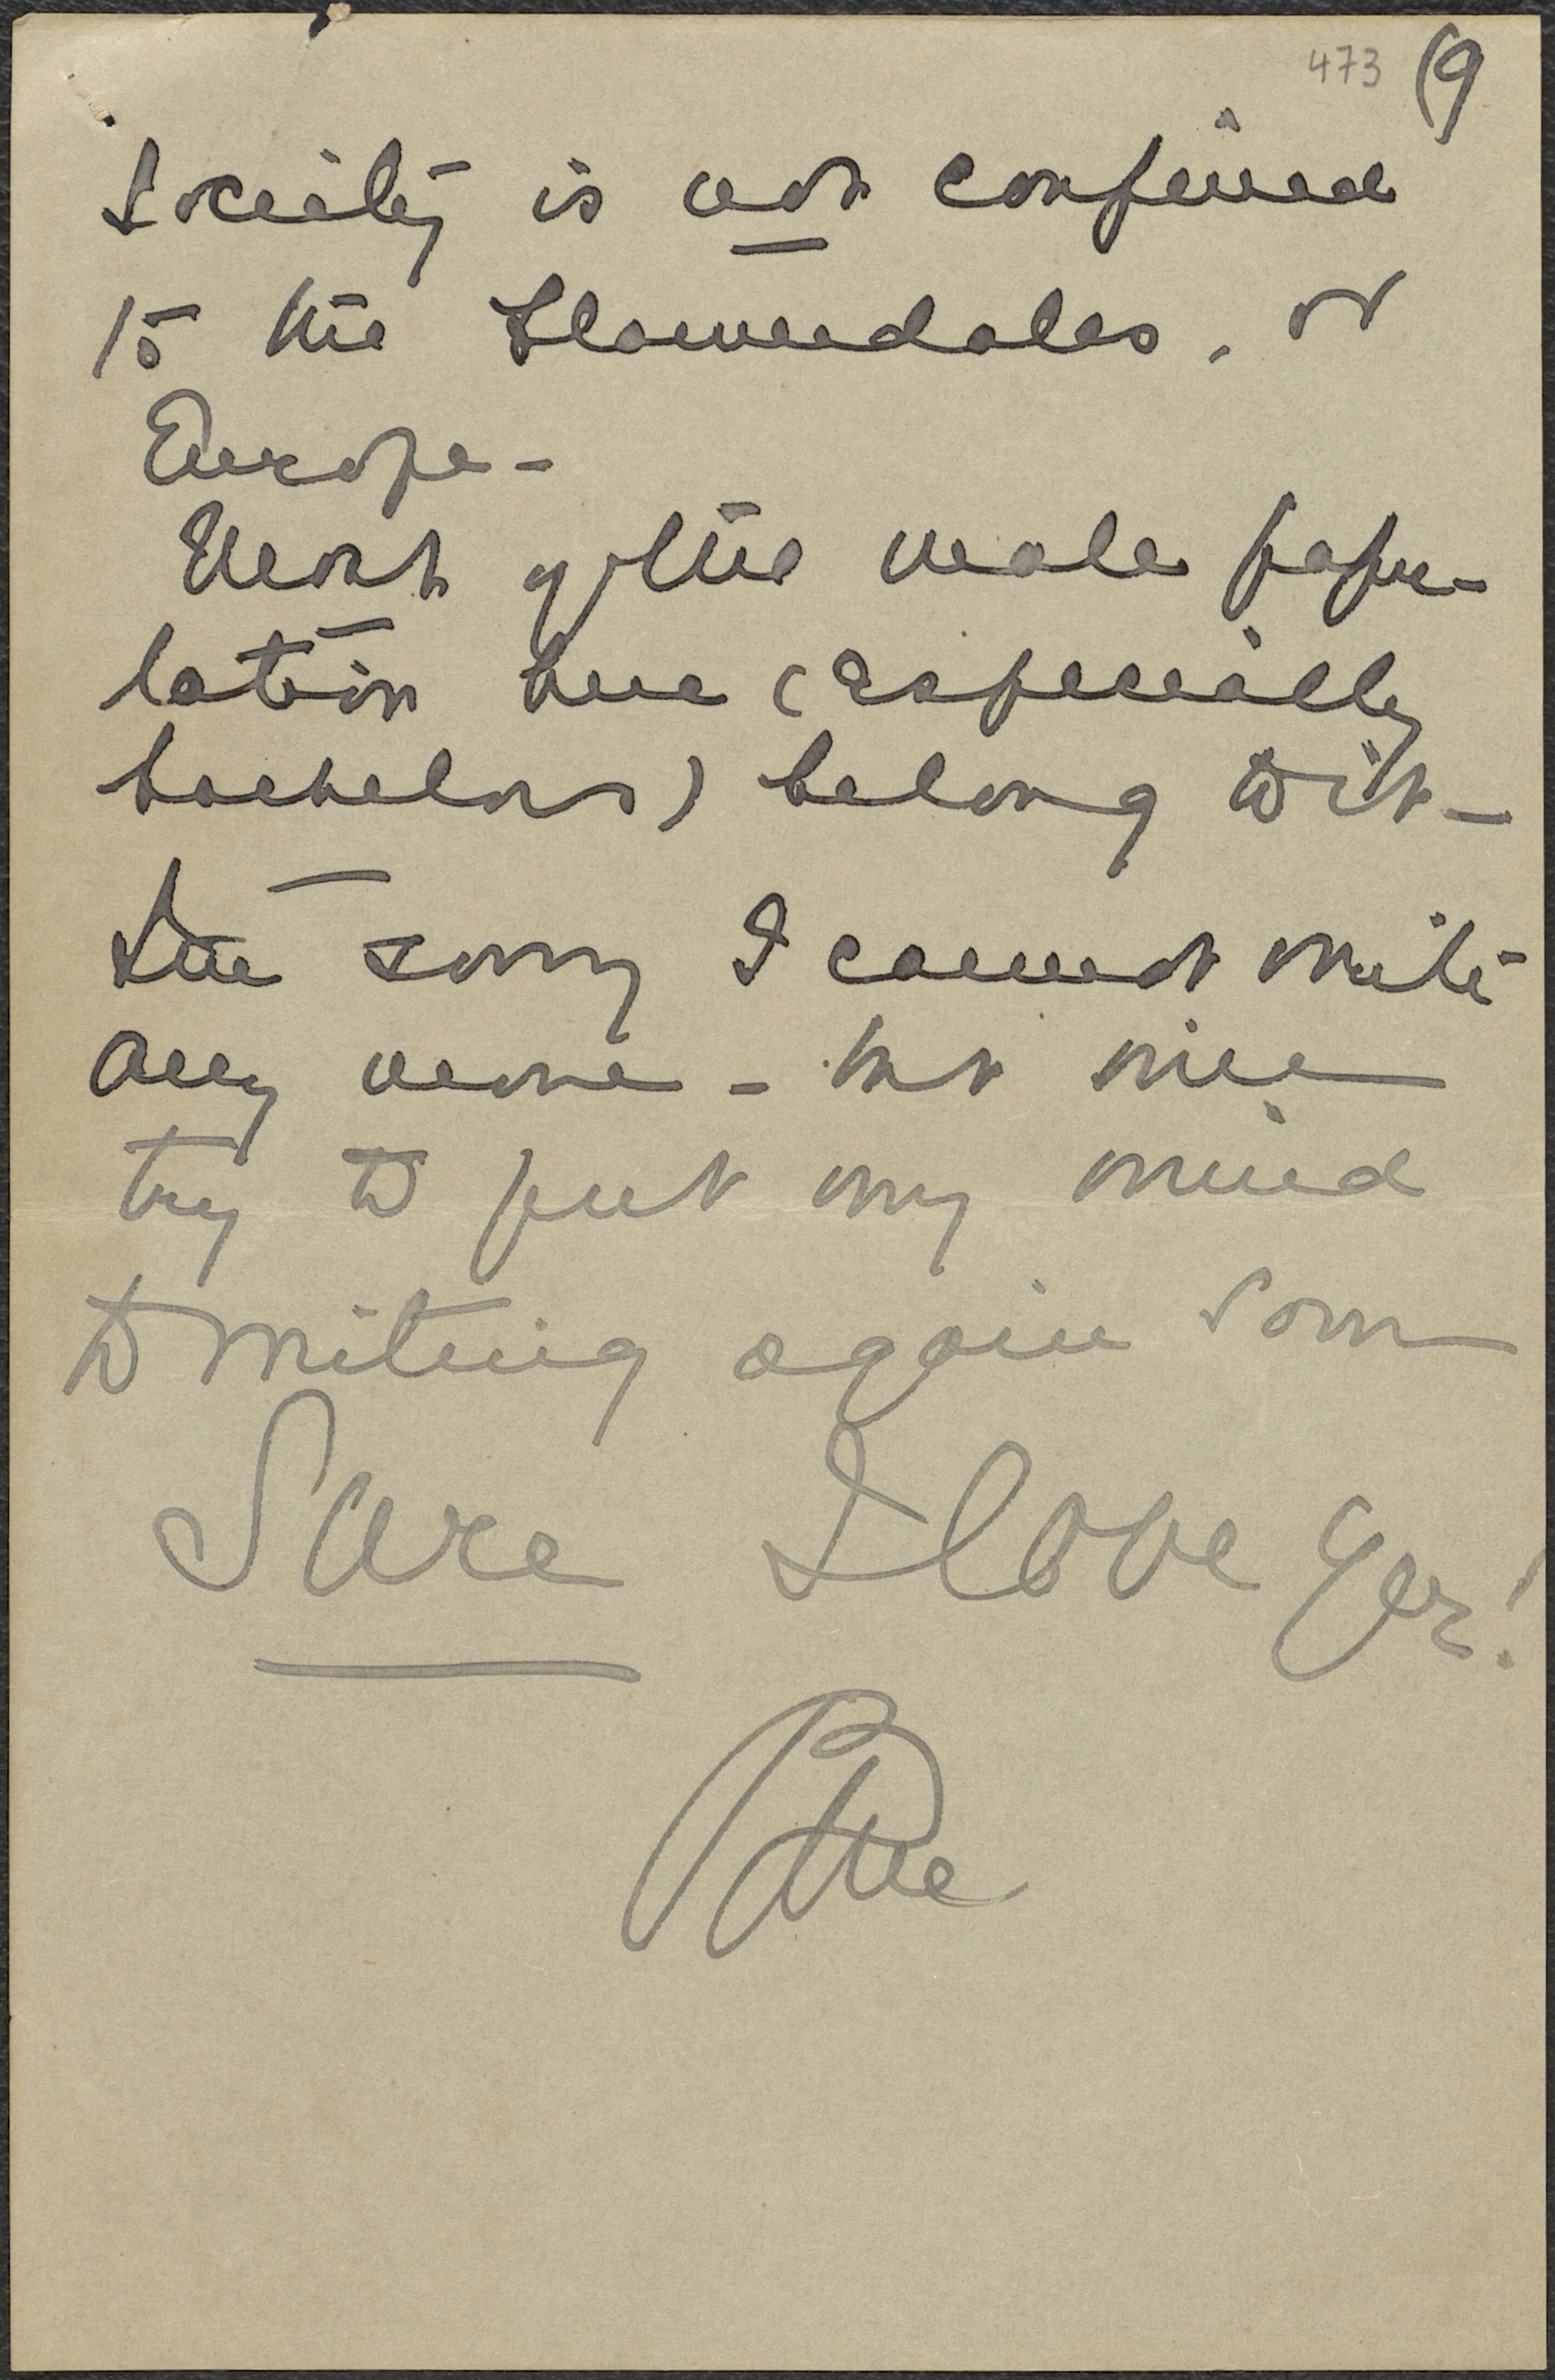society is not confined to the Flowerdales – or Europe –
Most of the male population all (especially bachelors) belong to it – I’m sorry I cannot write any more – but will try to put my mind to writing again soon –
Sure I love yer!
Belle